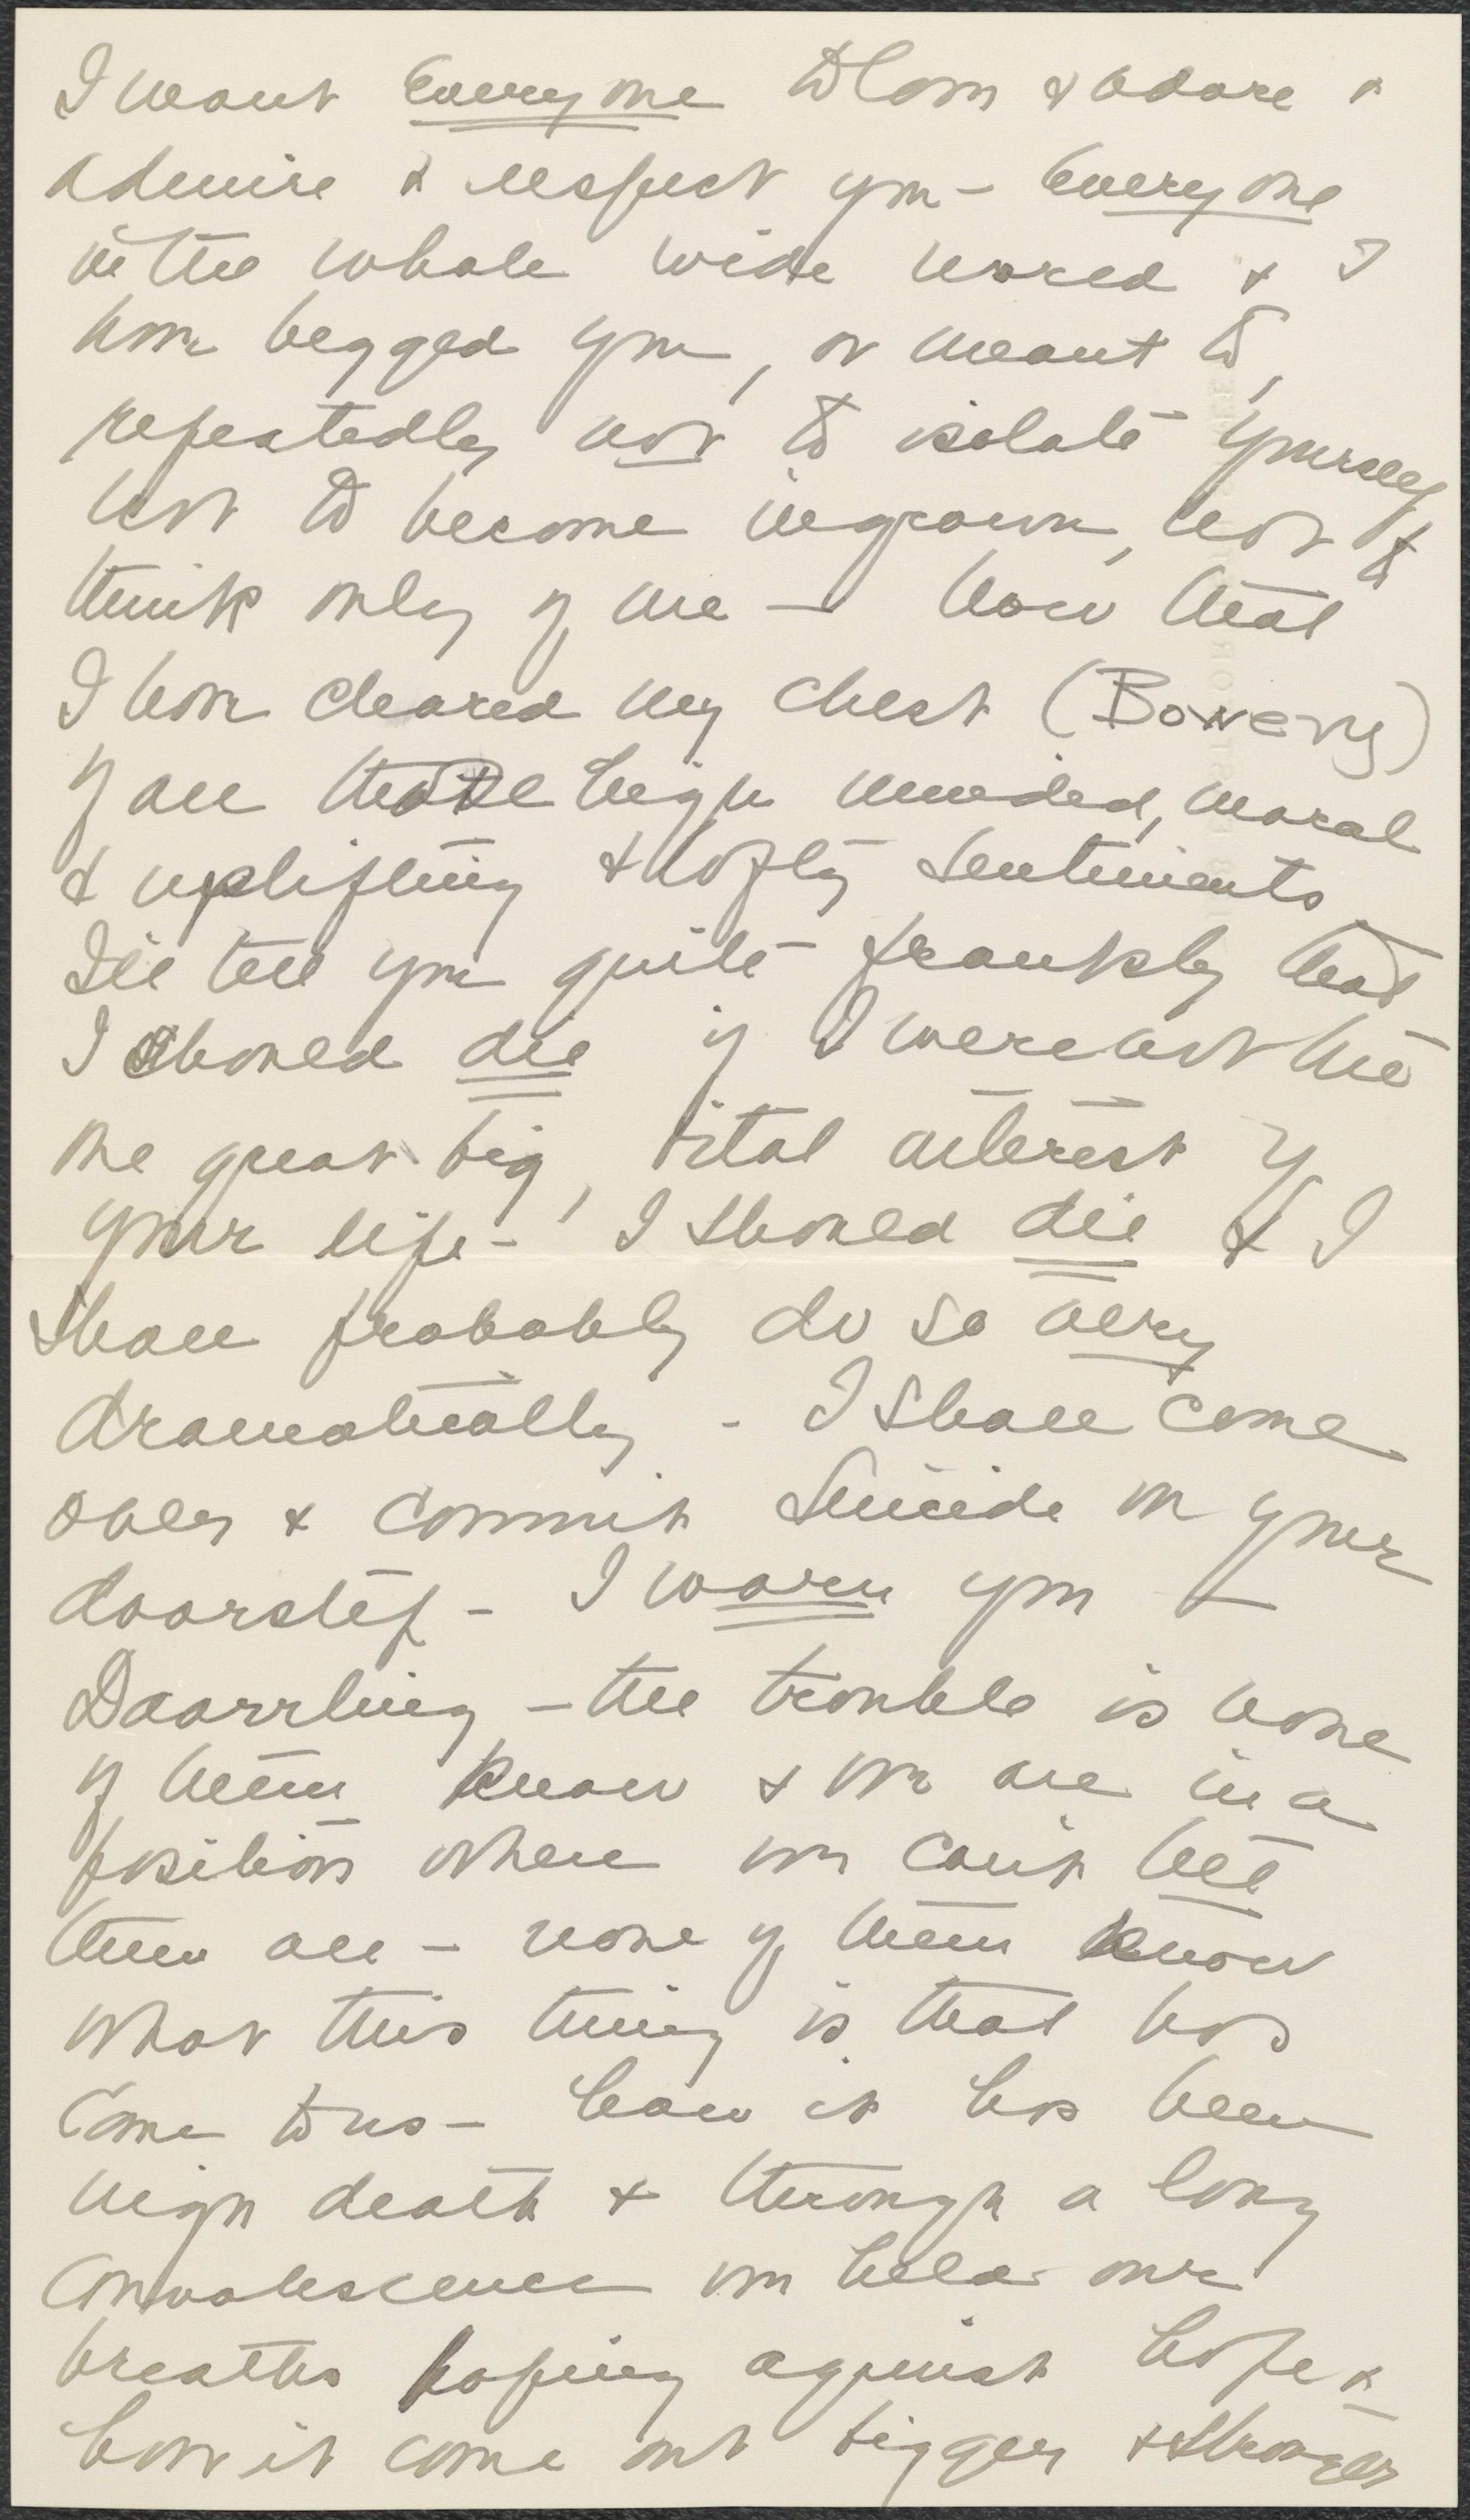I want [double underlined: every one] to love & adore & admire & respect you – every one in the whole wide world & I have begged you, or meant to, repeatedly not to isolate yourself but to become ingrown, not to think only of me – Now that I have cleared my chest (Bowery) of all thatose high minded, moral & uplifting & lofty sentiments I’ll tell you quite frankly that I wshould [double underlined: die] if I were not the one great big, vital interest of your life – I should [double underlined: die] & I shall probably do so very dramatically – I shall come over & commit suicide on your doorstep – I [double underlined: warn] you –
Daarrling – the trouble is none of them know & we are in a position where we can’t tell them all – none of them know what this thing is that has come to us – how it has been nigh death & through a long convalescence we held our breaths hoping against hope & how it came out bigger & stronger